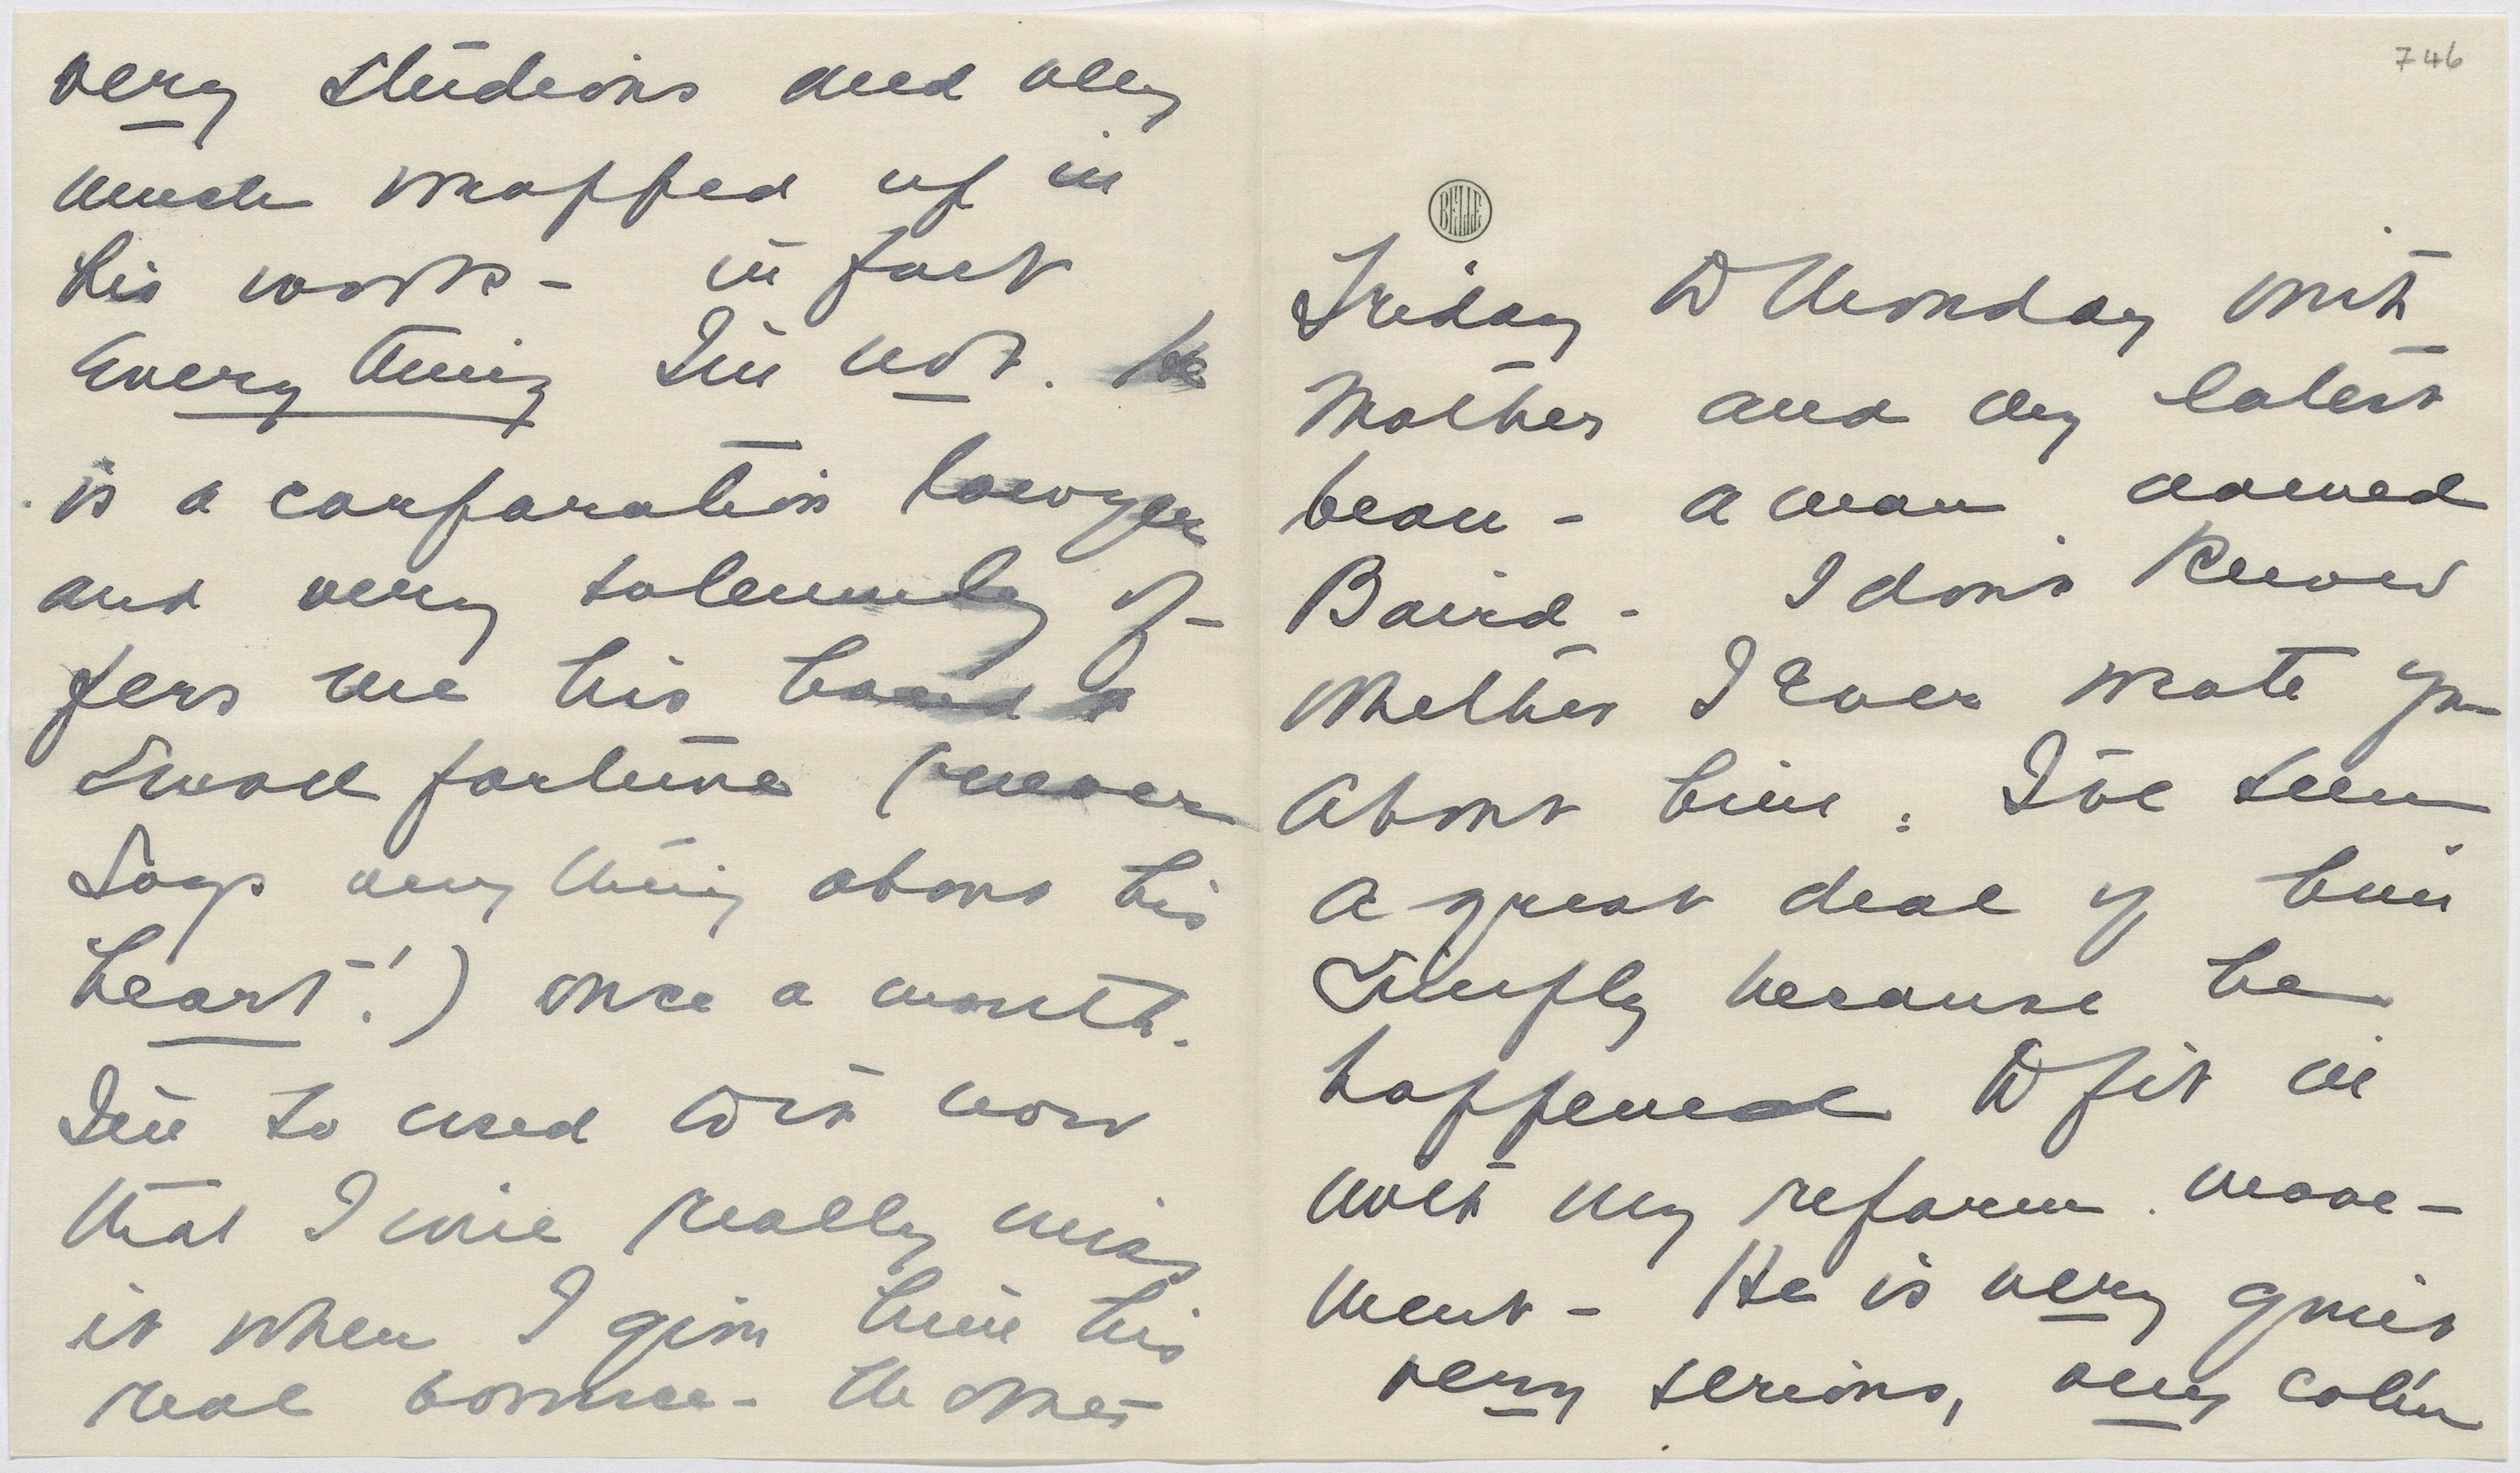Friday to Monday with mother and my latest beau – a man named Baird – I don’t know whether I ever wrote you about him. I’ve seen a great deal of him simply because he happened to fit in with my reform movement – He is very quiet very serious, very calm
very studious and very much wrapped up in his work – in fact every thing I’m not. He is a corporation lawyer and very solemnly offers me his hand & small fortune (never says any thing about his heart!) once a month. I’m so used to it now that I will really miss it when I give him his real bounce – Mother